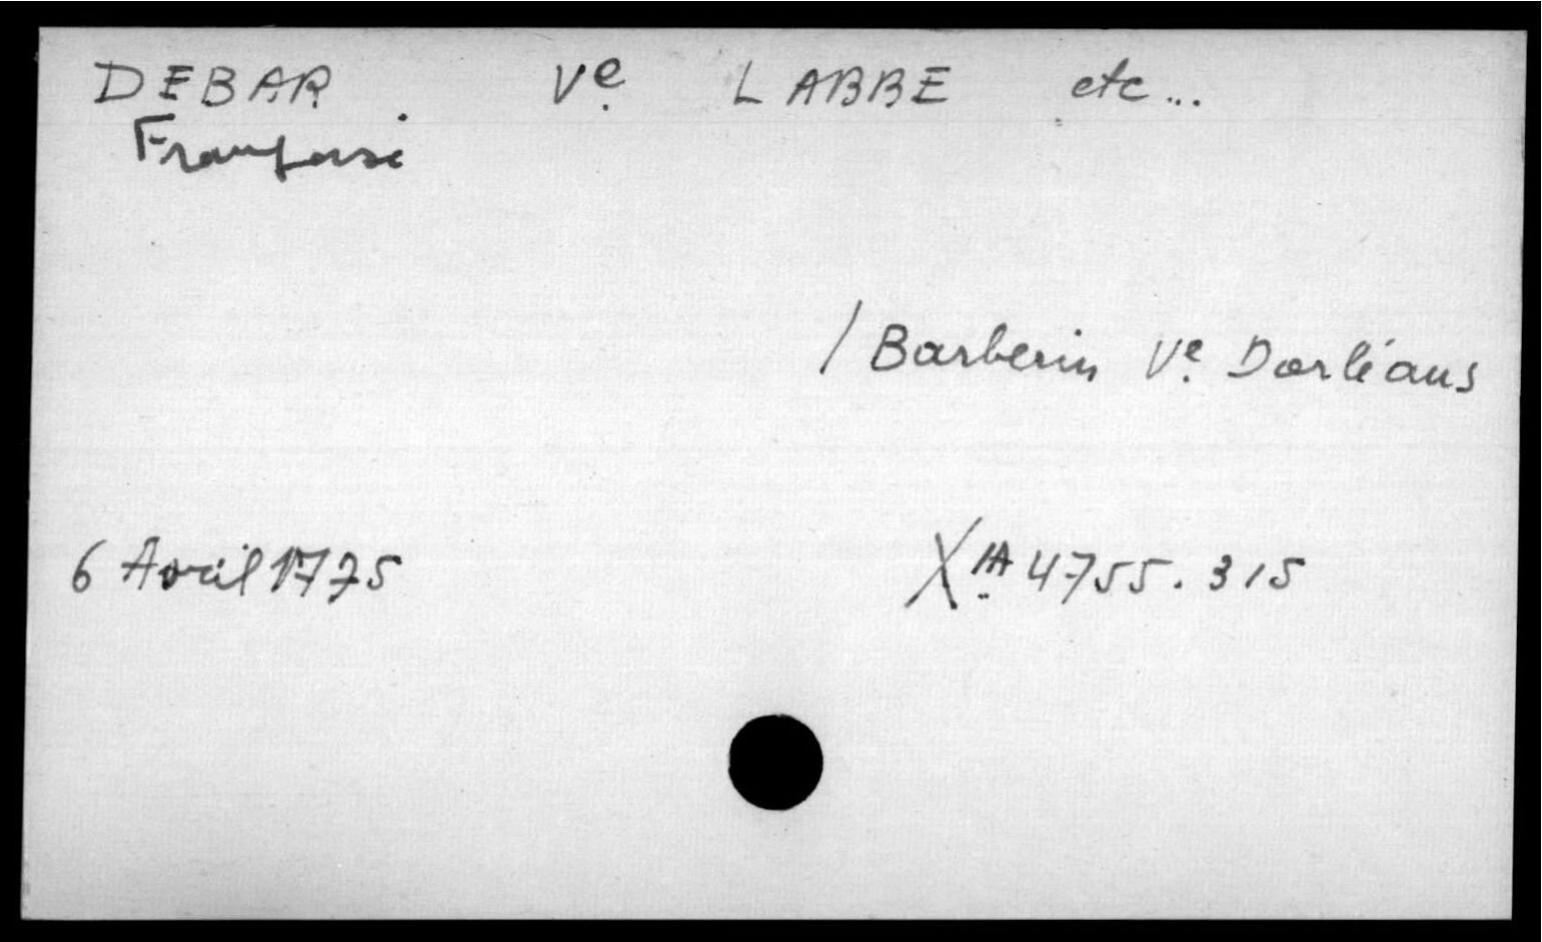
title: DEBAR Françoise veuve Labbe, etc...
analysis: Contre Barberin veuve Dorléans
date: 6 avril 1775
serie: X1A
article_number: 4755
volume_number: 315
